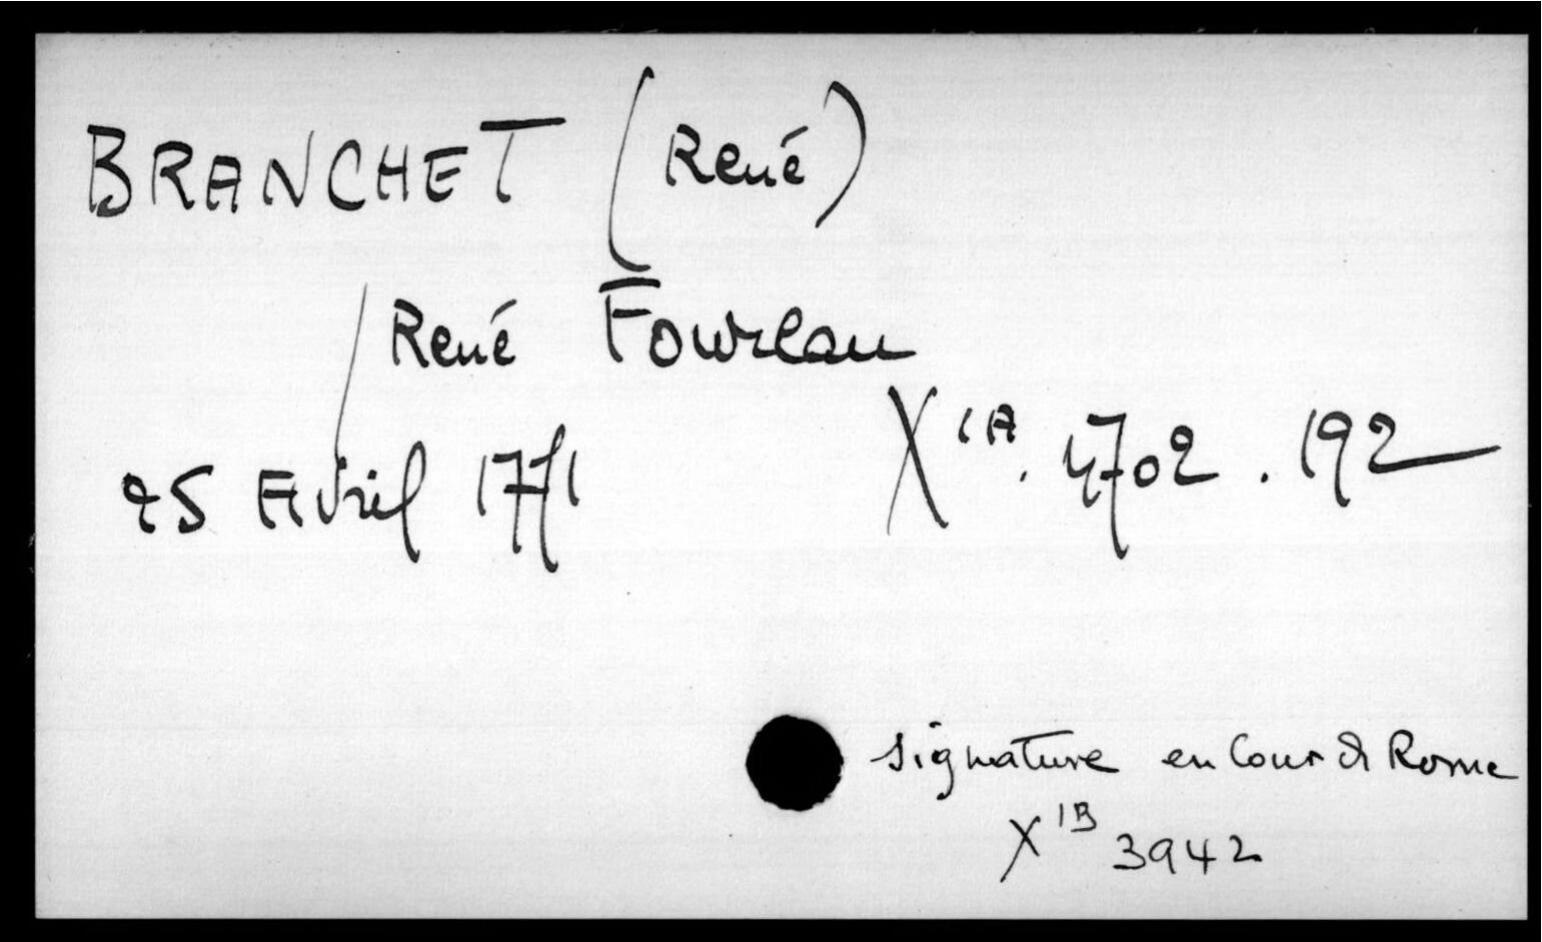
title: BRANCHET (René)
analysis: Contre René Fourlau
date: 25 avril 1771
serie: X1A
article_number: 4702
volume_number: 192
